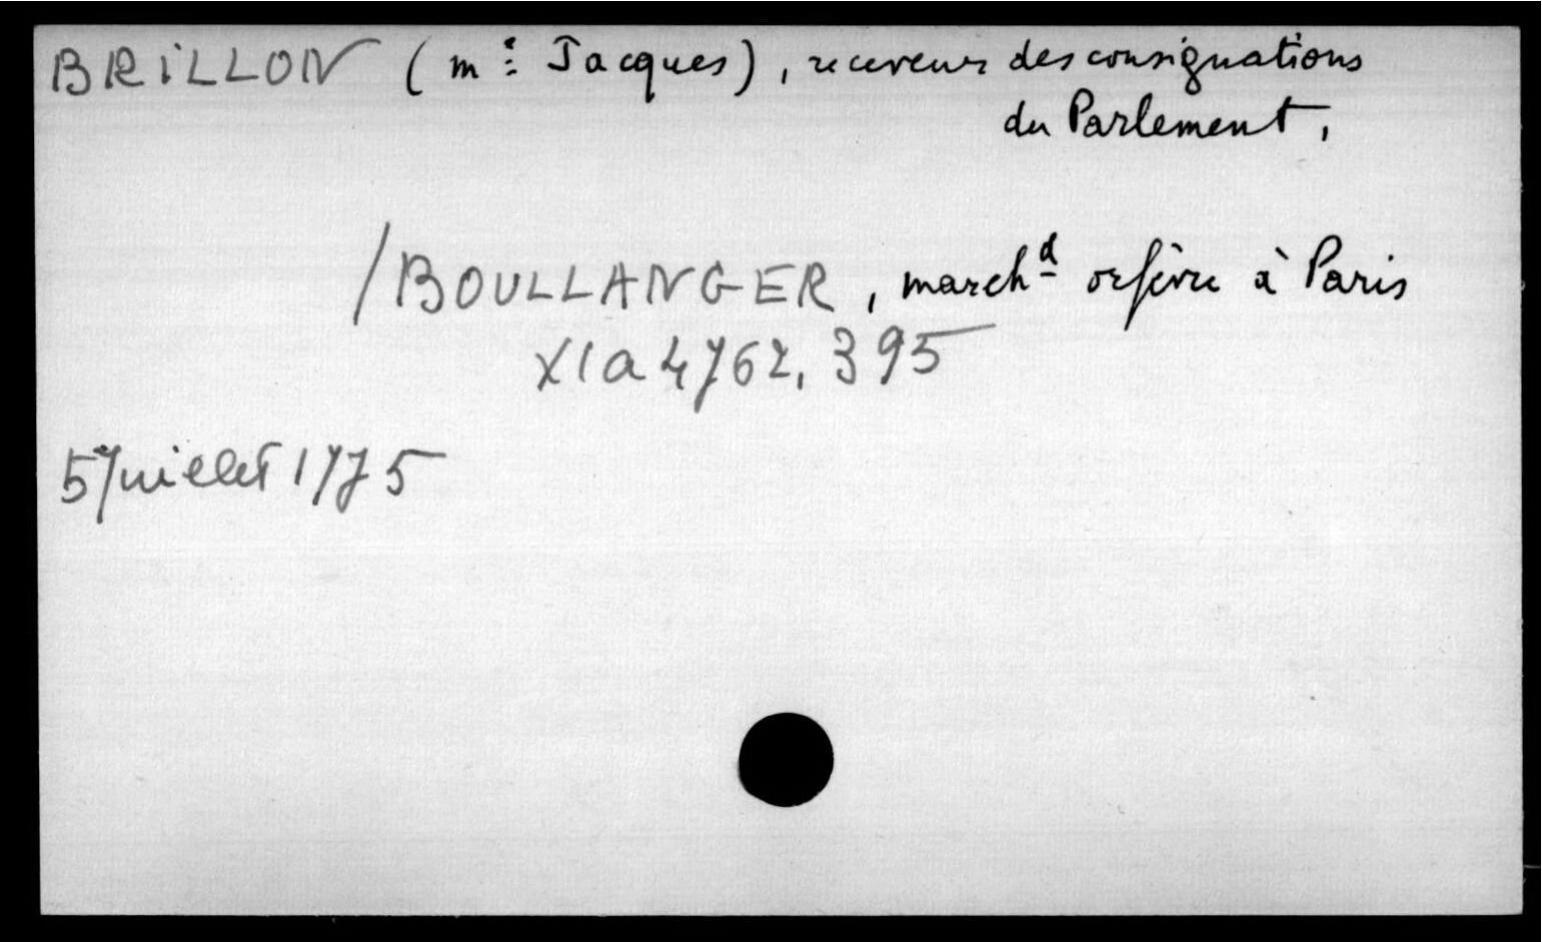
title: BRILLON (maître Jacques), receveur des consignations du Parlement.
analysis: Contre BOULLANGER, marchand orfèvre à Paris
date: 5 juillet 1775
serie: X1a
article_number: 4762
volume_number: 395
